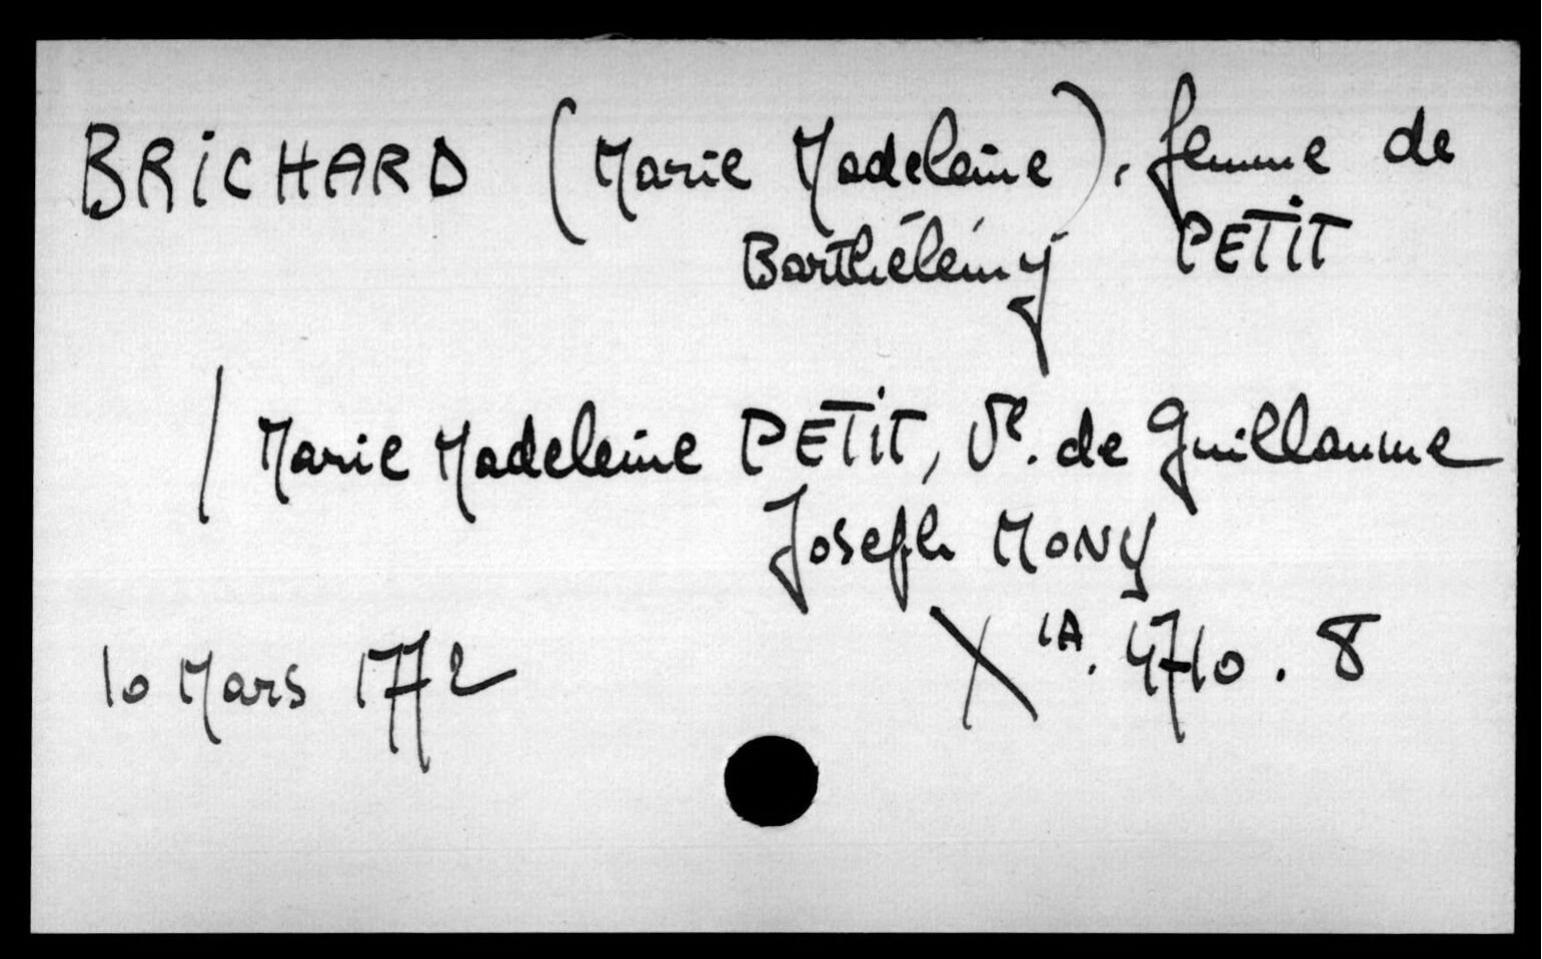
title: BRICHARD (Marie Madeleine), femme de Barthélémy PETIT
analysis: Contre Marie Madeleine PETIT, veuve de Guillaume Joseph MONY
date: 10 mars 1772
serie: X1A
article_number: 4710
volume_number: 8
